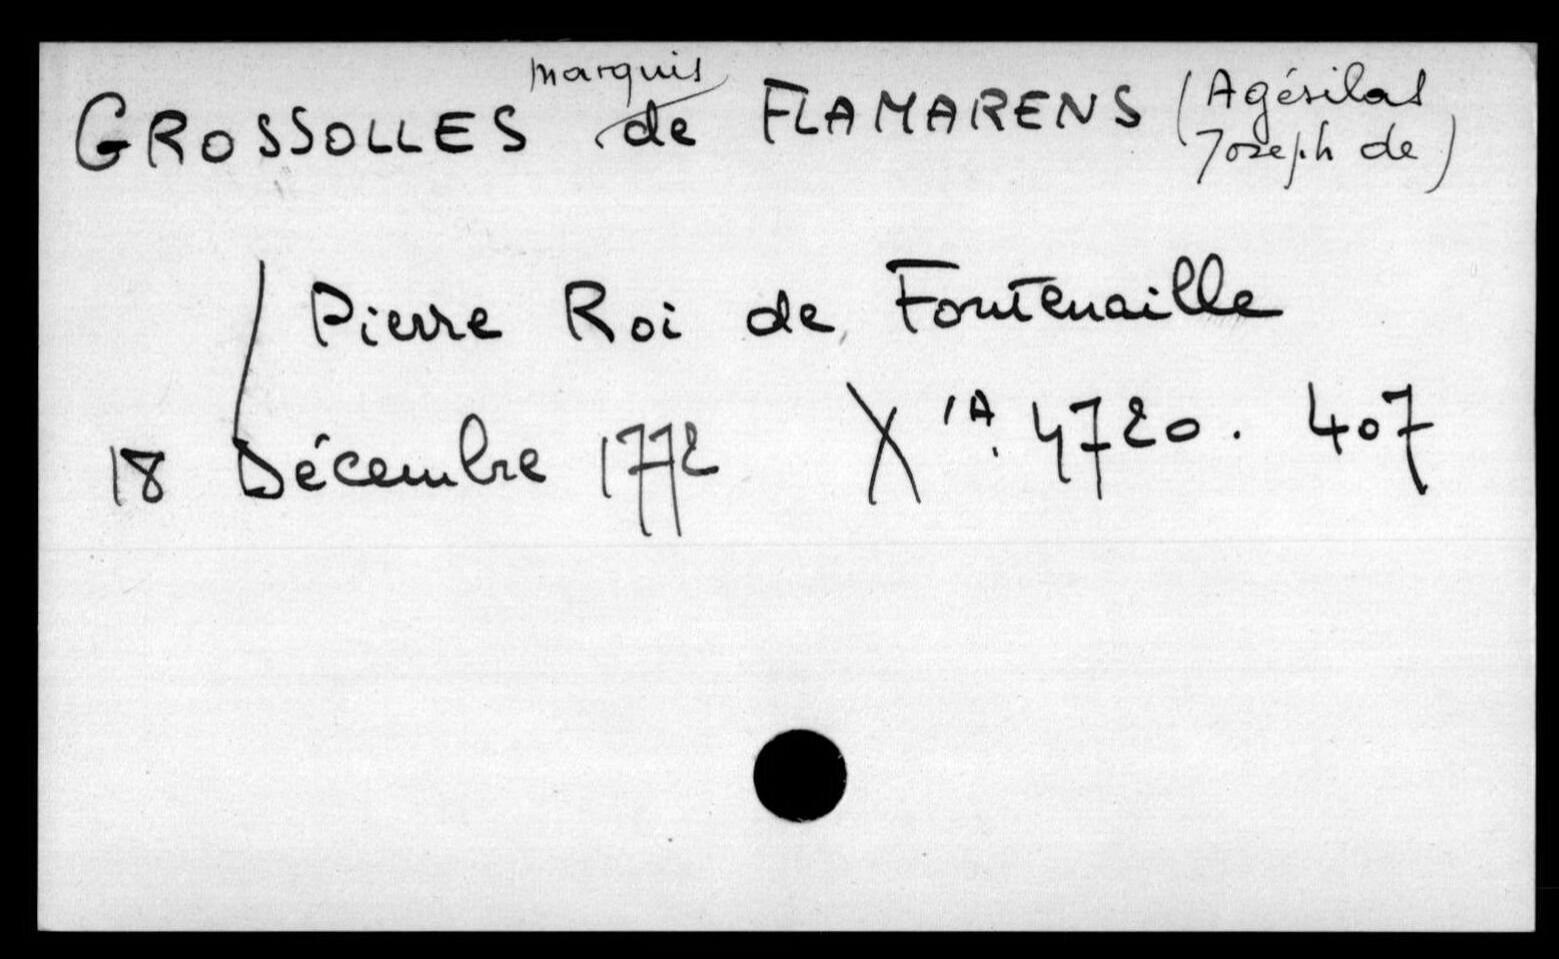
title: GROSSOLLES marquis de FLAMARENS (Agésilas Joseph de)
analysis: Contre Pierre Roi de Fontenaille
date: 18 décembre 1772
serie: X1A
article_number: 4720
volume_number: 407
